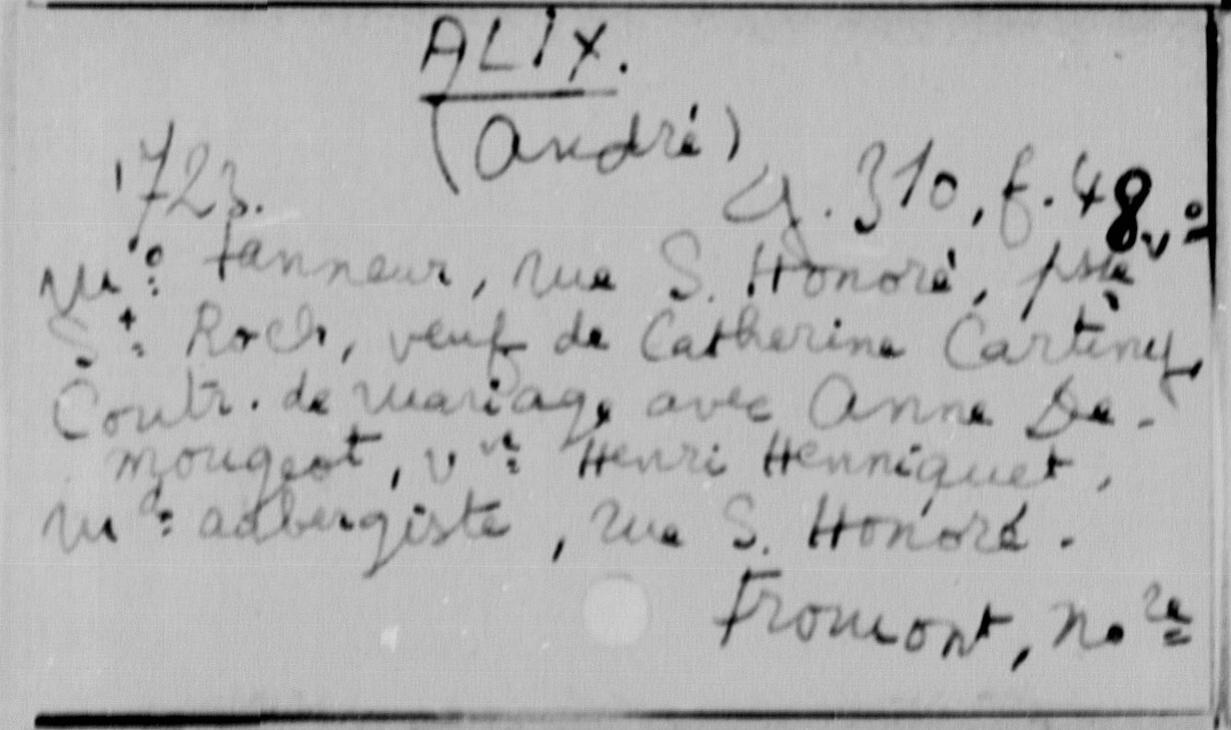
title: ALIX (André)
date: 1723
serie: Y
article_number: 310
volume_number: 48v
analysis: Maître tanneur, rue Saint-Honoré, paroisse Saint-Roch. Veuf de Catherine CARTINY, contrat de mariage avec Anne DEMOUGEOT, veuve Henri HENNIQUET, marchand aubergiste, rue Saint-Honoré. Fromont, notaire.
